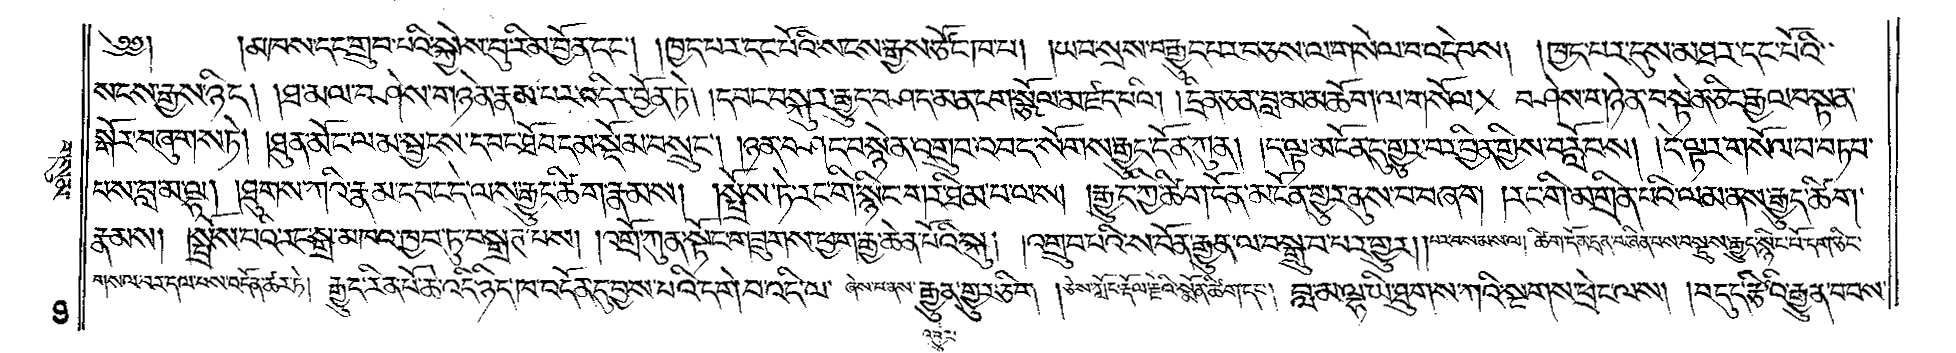༄༅། །མཁས་དང་གྲུབ་པའི་སྐྱེས་བུ་རིམ་བྱོན་དང་། །ཁྱད་པར་དང་པོའི་སངས་རྒྱས་ཙོང་ཁ་པ། །ཡབ་སྲས་བརྒྱུད་པར་བཅས་ལ་གསོལ་བ་འདེབས། །ཁྱད་པར་དུས་མཐར་དང་པོའི་
སངས་རྒྱས་ཉིད། །ཐ་མལ་བཤེས་གཉེན་རྣམ་པར་འདིར་བྱོན་ཏེ། །དབང་བསྐུར་རྒྱུད་བཤད་མན་ངག་སྩོལ་མཛད་པའི། །དྲིན་ཅན་བླ་མ་མཆོག་ལ་གསོལ་྾་བཤེས་གཉེན་བསྟེན་ཅིང་རྒྱལ་བསྟན་
རྣམས། །སྤྲོས་ཏེ་རང་གི་སྙིང་གར་ཐིམ་པ་ལས། །རྒྱུད་ཀྱི་བསྲུང་། །ཉན་བཤད་བསྙེན་འགྲུབ་འབད་སོགས་རྒྱུད་དོན་ཀུན། །ད་ལྟ་མངོན་དུ་གྱུར་བར་བྱིན་གྱིས་བརློབས། །དེ་ལྟར་གསོལ་བ་བཏབ་
པས་བླ་མ་ལྷ། །ཐུགས་ཀའི་རྣམ་དབང་དེ་ལས་རྒྱུད་ཚིག་རྣམས། །སྤྲོས་ཏེ་རང་གི་སྙིང་གར་ཐིམ་པ་ལས། །རྒྱུད་ཀྱི་ཚིག་དོན་མངོན་གྱུར་ནུས་བ་བཞག །རང་གི་མགྲིན་པའི་ལམ་ནས་རྒྱུད་ཚིག་
རྣམས། །སྤྲོས་པའི་རང་སྒྲ་མཁའ་ཁྱབ་ཏུ་བསྒྲགས་པས། །འགྲོ་ཀུན་སྟོང་གཟུགས་ཕྱག་རྒྱ་ཆེན་པོའི་སྐུ། །འགྲུབ་པའི་ས་བོན་རྒྱུན་ལ་བསྒྲུབ་པར་གྱུར། །པར་བསམས་ལ། ཚིག་དོན་དྲན་བཞིན་པས་བསྡུས་རྒྱུད་སྙིང་པོ་དག་ཅིང་
གསལ་བར་དལ་པས་འདོན་ཚར་ཏེ། རྒྱུད་རིན་པོ་ཆེ་འདི་ཉིད་ཁ་འདོན་དུ་བྱས་པའི་དགེ་བ་འདི་ལ་ཞེས་པ་ནས་རྒྱུན་གྱུར་ཅིག་།ཅེས་ཀློང་རྡོལ་རྗེའི་སྨོན་ཚིག་དང་།  བླ་མ་ལྷ་ཡི་ཐུགས་ཀའི་སྔགས་ཕྲེང་ལས། །བདུད་རྩིའི་རྒྱུན་བབས་